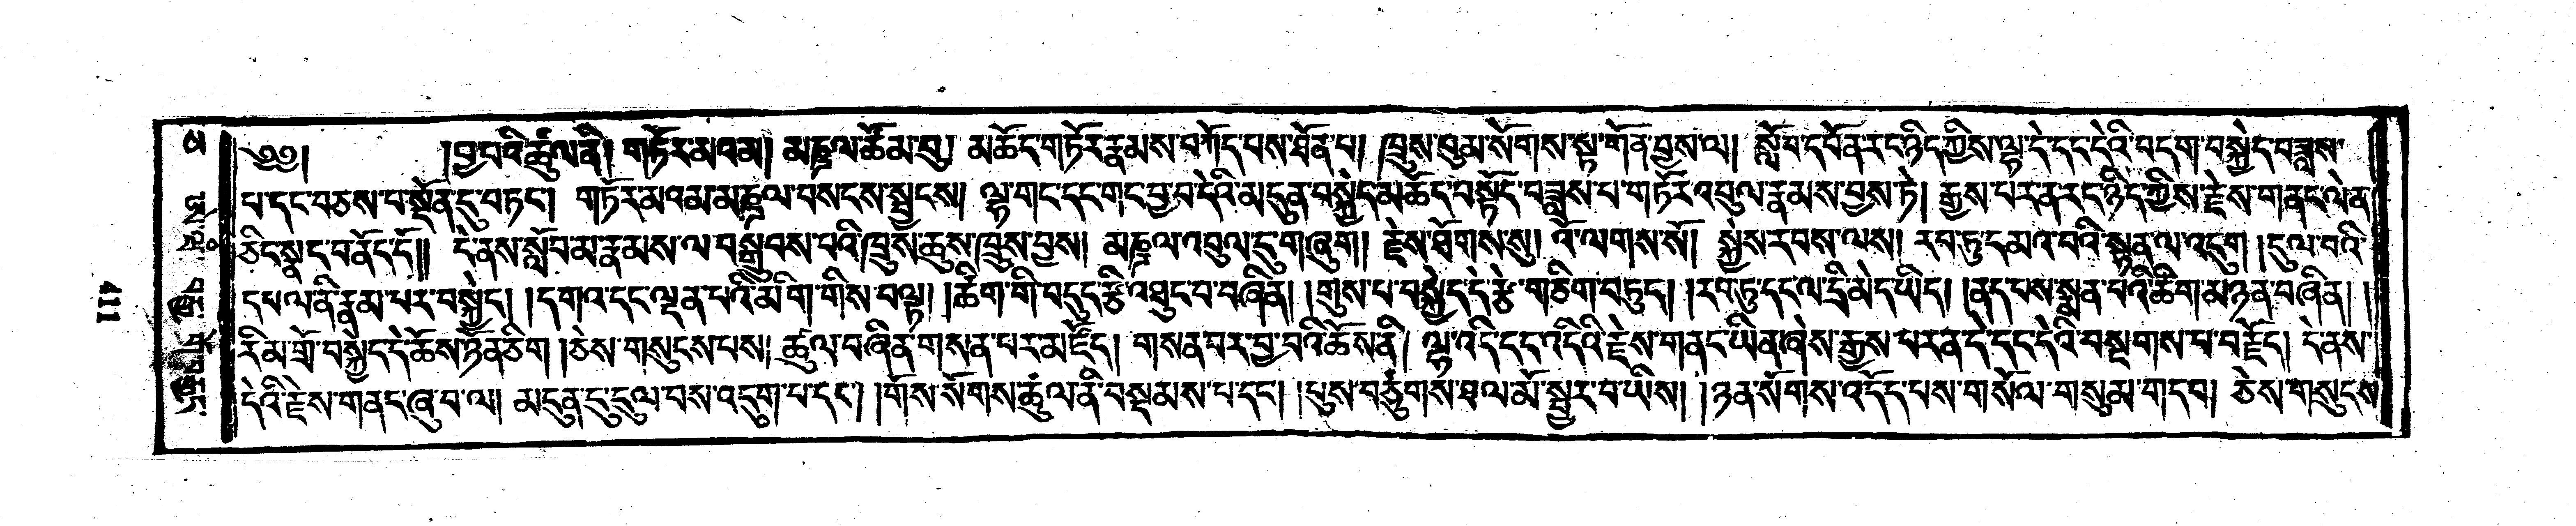༄༅། །བྱ་བའི་ཚུལ་ནི། གཏོར་མའམ། མཎྜལ་ཚོམ་བུ། མཆོད་གཏོར་ནམས་བཀོད་པས་ཐོན་པ། ཁྲུས་བུམ་སོགས་སྟ་གོན་བྱས་ལ། སློབ་དཔོན་རང་ཉིད་ཀྱིས་ལྷ་དེ་དང་དེའི་བདག་བསྐྱེད་བཟླས་
པ་དང་བཅས་པ་སྔོན་དུ་བཏང་། གཏོར་མའམ་མཎྜལ་བསངས་སྦྱངས། ལྷ་གང་དང་གང་བྱ་བ་དེའི་མདུན་བསྐྱེད་མཆོད་བསྟོད་བཟླས་པ་གཏོར་འབུལ་རྣམས་བྱས་ཏེ། རྒྱས་པར་ན་རང་ཉིད་ཀྱིས་རྗེས་གནང་ལེན་
ཅིང་སྣང་བ་ནོད་དོ། །དེ་ནས་སློབ་མ་རྣམས་ལ་བསྒྲུབས་པའི་ཁྲུས་ཆུས་ཁྲུས་བྱས། མཎྜལ་འབུལ་དུ་གཞུག །རྗེས་ཐོགས་སུ། འོ་ལགས་སོ། སྐྱེས་རབས་ལས། རབ་ཏུ་དམའ་བའི་སྟན་ལ་འདུག །དུལ་བའི་
དཔལ་ནི་རྣམ་པར་བསྐྱེད། །དགའ་དང་ལྡན་པའི་མིག་གིས་བལྟ། །ཚིག་གི་བདུད་རྩི་འཐུང་བ་བཞིན། །གུས་པ་བསྐྱེད་དེ་རྩེ་གཅིག་བཏུད། །རབ་ཏུ་དང་ལ་དྲི་མེད་ཡིད། །ནད་པས་སྨན་པའི་ཚིག་མཉན་བཞིན། །
རིམ་གྲོ་བསྐྱེད་དེ་ཆོས་ཉོན་ཅིག །ཅེས་གསུངས་པས། ཚུལ་བཞིན་གསན་པར་མཛོད། གསན་པར་བྱ་བའི་ཆོས་ནི། ལྷ་འདི་དང་འདིའི་རྗེས་གནང་ཡིན་ཞེས་རྒྱས་པར་ན་དེ་དང་དེའི་བསྔགས་པ་བརྗོད། དེ་ནས་
དེའི་རྗེས་གནང་ཞུ་བ་ལ། མདུན་དུ་དུལ་བས་འདུག་པ་དང་། །གོས་སོགས་ཚུལ་ནི་བསྡམས་པ་དང་། །པུས་བཙུགས་ཐལ་མོ་སྦྱར་བ་ཡིས། །ཉན་སོགས་འདོད་པས་གསོལ་གསུམ་གདབ། ཅེས་གསུངས་